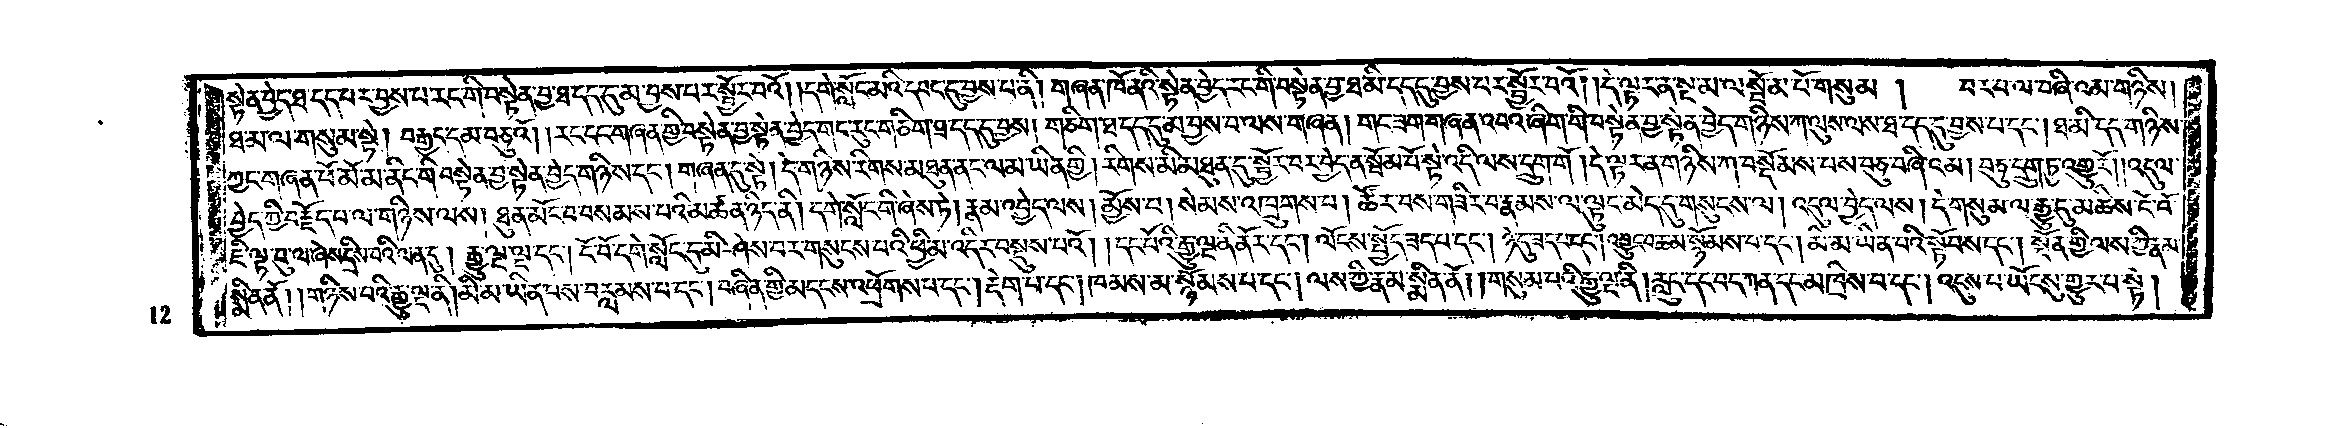སྟེན་བྱེད་ཐ་དད་པར་བྱས་པ་རང་གི་བསྟེན་བྱ་ཐ་དད་དུ་མ་བྱས་པར་སྦྱོར་བའོ། །དགེ་སློང་མའི་དབང་དུ་བྱས་པ་ནི། གཞན་ཁོ་ནའི་སྟེན་བྱེད་རང་གི་བསྟེན་བྱ་ཐ་མི་དད་དུ་བྱས་པར་སྦྱོར་བའོ། །དེ་ལྟར་ན་སྔ་མ་ལ་སྦོམ་པོ་གསུམ། བར་པ་ལ་བཞི་འམ་གཉིས།
ཐ་མ་ལ་གསུམ་སྟེ། བརྒྱད་དམ་བཅུའོ། །རང་དང་གཞན་གྱི་བསྟེན་བྱ་སྟེན་བྱེད་གང་རུང་གཅིག་ཐ་དད་དུ་བྱས། གཅིག་ཐ་དད་དུ་མ་བྱས་པ་ལས་གཞན། གང་ཟག་གཞན་འབའ་ཞིག་གི་བསྟེན་བྱ་སྟེན་བྱེད་གཉིས་ཀ་ལུས་ལས་ཐ་དད་དུ་བྱས་པ་དང་། ཐ་མི་དད་གཉིས་
ཀྱང་གཞན་ཕོ་མོ་མ་ནིང་གི་བསྟེན་བྱ་སྟེན་བྱེད་གཉིས་དང་། གཞན་དུ་སྟེ། དེ་གཉིས་རིགས་མཐུན་ནང་ལ་མ་ཡིན་གྱི། རིགས་མི་མཐུན་དུ་སྦྱོར་བར་བྱེད་ན་སྦོམ་པོ་སྟེ་འདི་ལས་དྲུག་གོ །དེ་ལྟར་ན་གཉིས་ཀ་བསྡོམས་པས་བཅུ་བཞི་འམ། བཅུ་དྲུག་ཏུ་འགྱུར་རོ། །འདུལ་
བྱེད་ཀྱི་བརྗོད་པ་ལ་གཉིས་ལས། ཐུན་མོང་བ་བསམས་པའི་མཚན་ཉིད་ནི། དགེ་སློང་གི་ཞེས་ཏེ། རྣམ་འབྱེད་ལས། མྱོས་པ། སེམས་འཁྲུགས་པ། ཚོར་བས་གཟིར་བ་རྣམས་ལ་ལྟུང་མེད་དུ་གསུངས་ལ། འདུལ་བྱེད་ལས། དེ་གསུམ་ལ་རྒྱུ་དུ་མ་ཆིས་ངོ་བོ་
ཇི་ལྟ་བུ་ལ་ཞེས་དྲིས་པའི་ལན་དུ། རྒྱུ་ལྔ་ལྔ་དང་། ངོ་བོ་དགེ་སློང་དུ་མི་ཤེས་པར་གསུངས་པའི་ཕྱིར་མ་འདིར་བསྡུས་པའོ། །དང་པོའི་རྒྱུ་ལྔ་ནི་ནོར་དང་། ལོངས་སྤྱོད་ཟད་པ་དང་། ཉེ་དུ་ཟད་པ་དང་། འབྱུང་བ་ཆ་མ་སྙོམས་པ་དང་། མི་མ་ཡིན་པའི་སྟོབས་དང་། སྔོན་གྱི་ལས་ཀྱི་རྣམ་
སྨིན་ནོ། །གཉིས་པའི་རྒྱུ་ལྔ་ནི། མི་མ་ཡིན་པས་བརླམས་པ་དང་། བཞིན་གྱི་མདངས་འཕྲོགས་པ་དང་། རྡེག་པ་དང་། ཁམས་མ་སྙོམས་པ་དང་། ལས་ཀྱི་རྣམ་སྨིན་ནོ། །གསུམ་པའི་རྒྱུ་ལྔ་ནི། རླུང་དང་བད་ཀན་དང་མཁྲིས་པ་དང་། འདུས་པ་ཡོངས་སུ་གྱུར་པ་སྟེ།